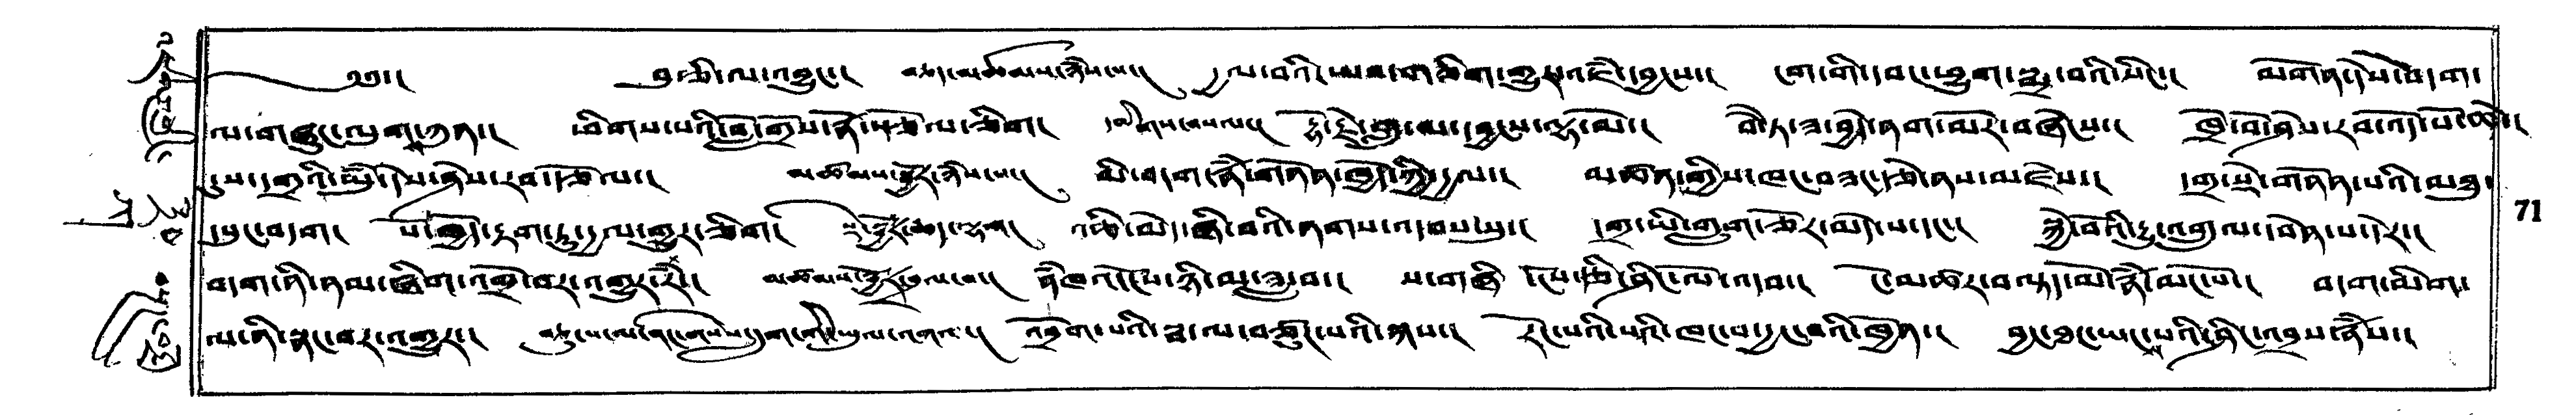བུ་ཅི་ལ་འབྱུང་། །བཅད་མཚམས་ཉམས་པ། རྒྱལ་བའི་ཡབ་གཅིག་གྱུར་འཇམ་དབྱངས། །ངག་གི་དབང་ཕྱུག་སྨྲ་བའི་སེང་། །མགོན་དེས་བདག་
ལ་གཞུང་ལུགས་ཀུན། །ཕིགས་པའི་བློ་གྲོས་རྣོ་སྩོལ་ཅིག ། དམིགས་བསལ། རྡོ་རྗེ་གླུ་མ་དབྱངས་ལྷ་མོ། །བཻ་ཏ་ཟ་བྱེད་ནག་མོར་བཞེངས། །ཁྲོ་བོ་ཤེས་རབ་འོད་པོ་ཆེ། །
དུས་དགྲའི་ཡུམ་དེས་ཤེས་རབ་སྩོལ། ། མཚམས་སྦྱོར་ཉམས་པ། མི་བདག་རྣམ་གནོན་ཁྱོད་ཀྱི་རྒྱལ། །མཚན་གྱིས་ཁང་བཟང་རྩེ་ནས་མཛེས། །དགྲ་སྡེ་གནོན་པའི་མཐུ་
དཔུང་བདག །པོ་ཁྱོད་རྟག་ཏུ་རྒྱལ་གྱུར་ཅིག ། སྡེབ་སྦྱོར་ཆད་ལྷག འཆི་མེད་ཞི་བའི་ནགས་འདབས་སུ། །དགྲ་ཡི་གླག་ཅོར་མེད་པ་དང་། །སྐྱེ་བོའི་རྒྱུ་འགྲུལ་དབེན་པ་དེར། །
བདག་ནི་ནམ་ཞིག་འགྲོ་བར་འགྱུར་རམ། ། མཚམས་སྦྱོར་བྲལ་བ། ནམ་མཁའ་ངོས་ཉི་མ་ཟླ་བ། །ས་གཞི་ངོས་རྩི་ཤིང་ལོ་འདབ། །ངོ་མཚར་ལྟད་མོ་རྣམ་མང་པོ། །བདག་མིག་
ལ་ནི་སྣང་བར་གྱུར། ། བཅུ་པ་ལ་ནང་གསེས་དྲུག་གི་ཡུལ་འགལ་བ། འབྲོག་པའི་སྦྲ་ལ་བཙུགས་པའི་སྐས། །རོང་པའི་ཁང་པ་རྒྱངས་བའི་ཁྱོན། །བྱང་ཐང་ཡངས་པའི་ཤིང་འབྲས་རྣམས།